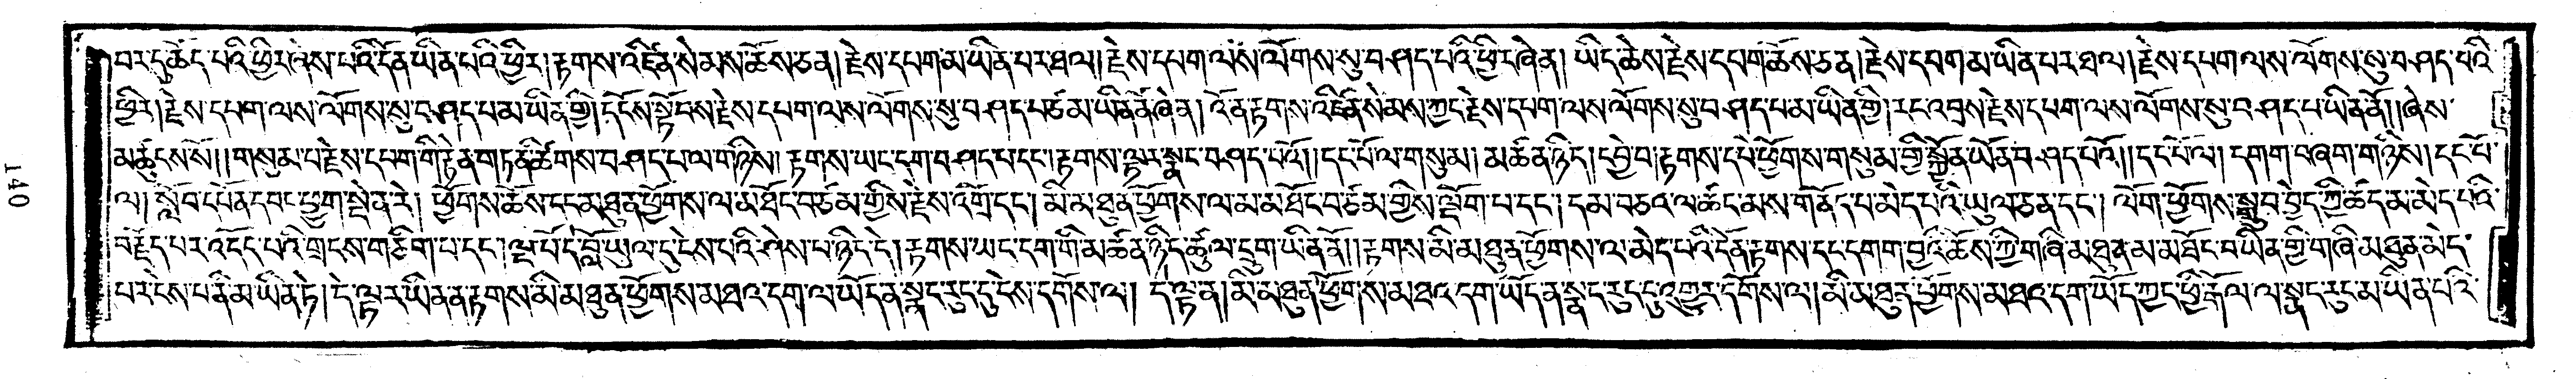པར་དུ་ཆོད་པའི་ཕྱིར་ཞེས་པའི་དོན་ཡིན་པའི་ཕྱིར། རྟགས་འཛིན་སེམས་ཆོས་ཅན། རྗེས་དཔག་མ་ཡིན་པར་ཐལ། རྗེས་དཔག་ལས་ལོགས་སུ་བཤད་པའི་ཕྱིར་ཞེ་ན། ཡིད་ཆེས་རྗེས་དཔག་ཆོས་ཅན། རྗེས་དཔག་མ་ཡིན་པར་ཐལ། རྗེས་དཔག་ལས་ལོགས་སུ་བཤད་པའི་
ཕྱིར། རྗེས་དཔག་ལས་ལོགས་སུ་བཤད་པ་མ་ཡིན་གྱི། དངོས་སྟོབས་རྗེས་དཔག་ལས་ལོགས་སུ་བཤད་པ་ཙམ་ཡིན་ནོ་ཞེ་ན། འོ་ན་རྟགས་འཛིན་སེམས་ཀྱང་རྗེས་དཔག་ལས་ལོགས་སུ་བཤད་པ་མ་ཡིན་གྱི། རང་འབྲས་རྗེས་དཔག་ལས་ལོགས་སུ་བཤད་པ་ཡིན་ནོ། །ཞེས་
མཚུངས་སོ། །གསུམ་པ་རྗེས་དཔག་གི་རྟེན་གཏན་ཚིགས་བཤད་པ་ལ་གཉིས། རྟགས་ཡང་དག་བཤད་པ་དང་། རྟགས་ལྟར་སྣང་བཤད་པའོ། །དང་པོ་ལ་གསུམ། མཚན་ཉིད། དབྱེ་བ། རྟགས་དཔེ་ཕྱོགས་གསུམ་གྱི་སྐྱོན་ཡོན་བཤད་པའོ། །དང་པོ་ལ། དགག་བཞག་གཉིས། དང་པོ་
ལ༑ སློབ་དཔོན་དབང་ཕྱུག་སྡེ་ན་རེ། ཕྱོགས་ཆོས་དང་མཐུན་ཕྱོགས་ལ་མཐོང་བ་ཙམ་གྱིས་རྗེས་འགྲོ་དང་། མི་མཐུན་ཕྱོགས་ལ་མ་མཐོང་བ་ཙམ་གྱིས་ལྡོག་པ་དང་། དམ་བཅའ་ལ་ཚད་མས་གནོད་པ་མེད་པའི་ཡུལ་ཅན་དང་། ལོག་ཕྱོགས་སྒྲུབ་བྱེད་ཀྱི་ཚད་མ་མེད་པའི་
བརྗོད་པར་འདོད་པའི་གྲངས་གཅིག་པ་དང་། ལྔ་པོ་དེ་བློ་ཡུལ་དུ་ངེས་པའི་ཤེས་པ་ཉིད་དེ། རྟགས་ཡང་དག་གི་མཚན་ཉིད་ཚུལ་དྲུག་ཡིན་ནོ། །རྟགས་མི་མཐུན་ཕྱོགས་ལ་མེད་པའི་དོན་རྟགས་དང་དགག་བྱའི་ཆོས་ཀྱི་གཞི་མཐུན་མ་མཐོང་བ་ཡིན་གྱི་གཞི་མཐུན་མེད་
པར་ངེས་པ་ནི་མ་ཡིན་ཏེ། དེ་ལྟར་ཡིན་ན་རྟགས་མི་མཐུན་ཕྱོགས་མཐའ་དག་ལ་ཡོད་ན་སྣང་རུང་དུ་ངེས་དགོས་ལ། དེ་ལྟ་ན། མི་མཐུན་ཕྱོགས་མཐའ་དག་ཡོད་ན་སྣང་རུང་དུ་འགྱུར་དགོས་ལ། མི་མཐུན་ཕྱོགས་མཐའ་དག་ཡོད་ཀྱང་ཕྱི་རྒོལ་ལ་སྣང་རུང་མ་ཡིན་པའི་